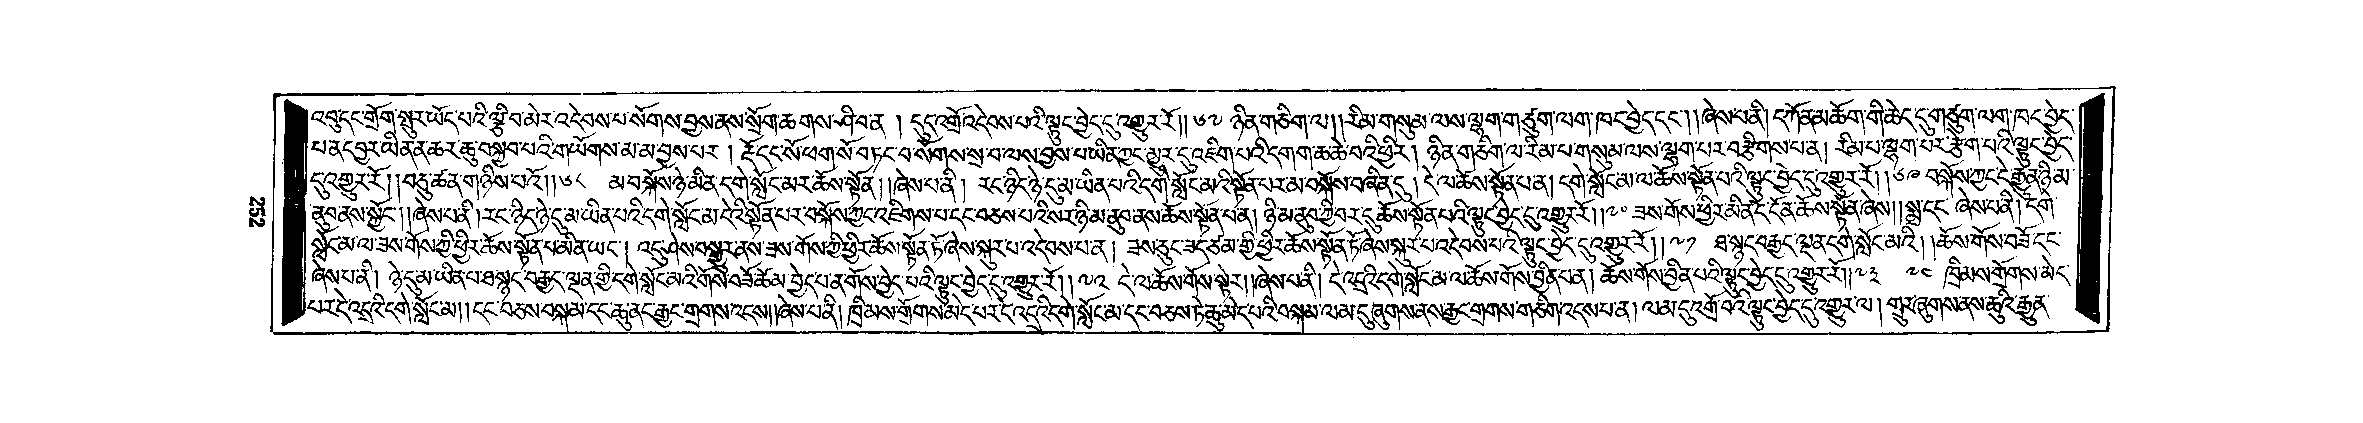འབུ་དང་གྲོག་སྤུར་ཡོད་པའི་ལྕི་བ་མེར་འདེབས་པ་སོགས་བྱས་ནས་སྲོག་ཆགས་ཤི་བ་ན། དུད་འགྲོ་འདེབས་པའི་ལྟུང་བྱེད་དུ་འགྱུར་རོ། །ཉིན་གཅིག་ལ། །རིམ་གསུམ་ལས་ལྷག་གཙུག་ལག་ཁང་བྱེད་དང་། །ཞེས་པ་ནི། དཀོན་མཆོག་གི་ཆེད་དུ་གཙུག་ལག་ཁང་བྱེད་
པ་ན་དབྱར་ཡིན་ན་ཆར་ཆུ་བསྐྱབ་པའི་གཡོགས་མ་མ་བྱས་པར། རྡོ་དང་སོ་ཕག་སོ་བཏང་བ་སོགས་སྲ་བ་ལས་བྱས་པ་ཡིན་ཀྱང་མྱུར་དུ་འཇིག་པའི་དགག་ཆ་ཆེ་བའི་ཕྱིར། ཉིན་གཅིག་ལ་རིམ་པ་གསུམ་ལས་ལྷག་པར་བརྩིགས་པ་ན། རིམ་པ་ལྷག་པར་རྩེག་པའི་ལྟུང་བྱེད་
དུ་འགྱུར་རོ། །བཅུ་ཚན་གཉིས་པའོ། །མ་བསྐོས་ཉེ་མིན་དགེ་སློང་མར་ཆོས་སྟོན། །ཞེས་པ་ནི། རང་ཉིད་ཉེ་དུ་མ་ཡིན་པའི་དགེ་སློང་མའི་སྟོན་པར་མ་བསྐོས་བཞིན་དུ། དེ་ལ་ཆོས་སྟོན་པ་ན། དགེ་སློང་མ་ལ་ཆོས་སྟོན་པའི་ལྟུང་བྱེད་དུ་འགྱུར་རོ། །བསྐོས་ཀྱང་དེ་རྒྱུན་ཉི་མ་
ནུབ་ནས་སྐྱོང་། །ཞེས་པ་ནི། རང་ཉིད་ཉེ་དུ་མ་ཡིན་པའི་དགེ་སློང་མ་དེའི་སྟོན་པར་བསྐོས་ཀྱང་འཇིགས་པ་དང་བཅས་པའི་སར་ཉི་མ་ནུབ་ནས་ཆོས་སྟོན་པ་ན། ཉི་མ་ནུབ་ཀྱི་བར་དུ་ཆོས་སྟོན་པའི་ལྟུང་བྱེད་དུ་འགྱུར་རོ། །ཟས་གོས་ཕྱིར་མིན་དེ་དོན་ཆོས་སྟོན་ཞེས། །སྨྲ་དང་ཞེས་པ་ནི། དགེ་
སློང་མ་ལ་ཟས་གོས་ཀྱི་ཕྱིར་ཆོས་སྟོན་པ་མིན་ཡང་། འདུ་ཤེས་བསྒྱུར་ནས་ཟས་གོས་ཀྱི་ཕྱིར་ཆོས་སྟོན་ཏོ་ཞེས་སྐུར་པ་འདེབས་པ་ན། ཟས་ཅུང་ཟད་ཙམ་གྱི་ཕྱིར་ཆོས་སྟོན་ཏོ་ཞེས་སྐུར་པ་འདེབས་པའི་ལྟུང་བྱེད་དུ་འགྱུར་རོ། །ཐ་སྙད་བརྒྱད་ལྡན་དགེ་སློང་མའི། །ཆོས་གོས་བཟོ་དང་
ཞེས་པ་ནི། ཉེ་དུ་མ་ཡིན་པ་ཐ་སྙད་བརྒྱད་ལྡན་གྱི་དགེ་སློང་མའི་གོས་བཟོ་ཚེམ་བྱེད་པ་ན་གོས་བྱེད་པའི་ལྟུང་བྱེད་དུ་འགྱུར་རོ། །དེ་ལ་ཆོས་གོས་སྟེར། །ཞེས་པ་ནི། དེ་འདྲའི་དགེ་སློང་མ་ལ་ཆོས་གོས་བྱིན་པ་ན། ཆོས་གོས་བྱིན་པའི་ལྟུང་བྱེད་དུ་འགྱུར་རོ། །ཁྲིམས་གྲོགས་མེད་
པར་དེ་འདྲའི་དགེ་སློང་མ། །དང་བཅས་བསྐམ་དང་ཆུ་ནང་རྒྱང་གྲགས་འདས། །ཞེས་པ་ནི། ཁྲིམས་གྲོགས་མེད་པར་ད་འདྲའི་དགེ་སློང་མ་དང་བཅས་ཏེ་ཆུ་མེད་པའི་བསྐམ་ལམ་དུ་ཞུགས་ནས་རྒྱང་གྲགས་གཅིག་འདས་པ་ན། ལམ་དུ་འགྲོ་བའི་ལྟུང་བྱེད་དུ་འགྱུར་ལ། གྲུར་ཞུགས་ནས་ཆུའི་རྒྱུན་